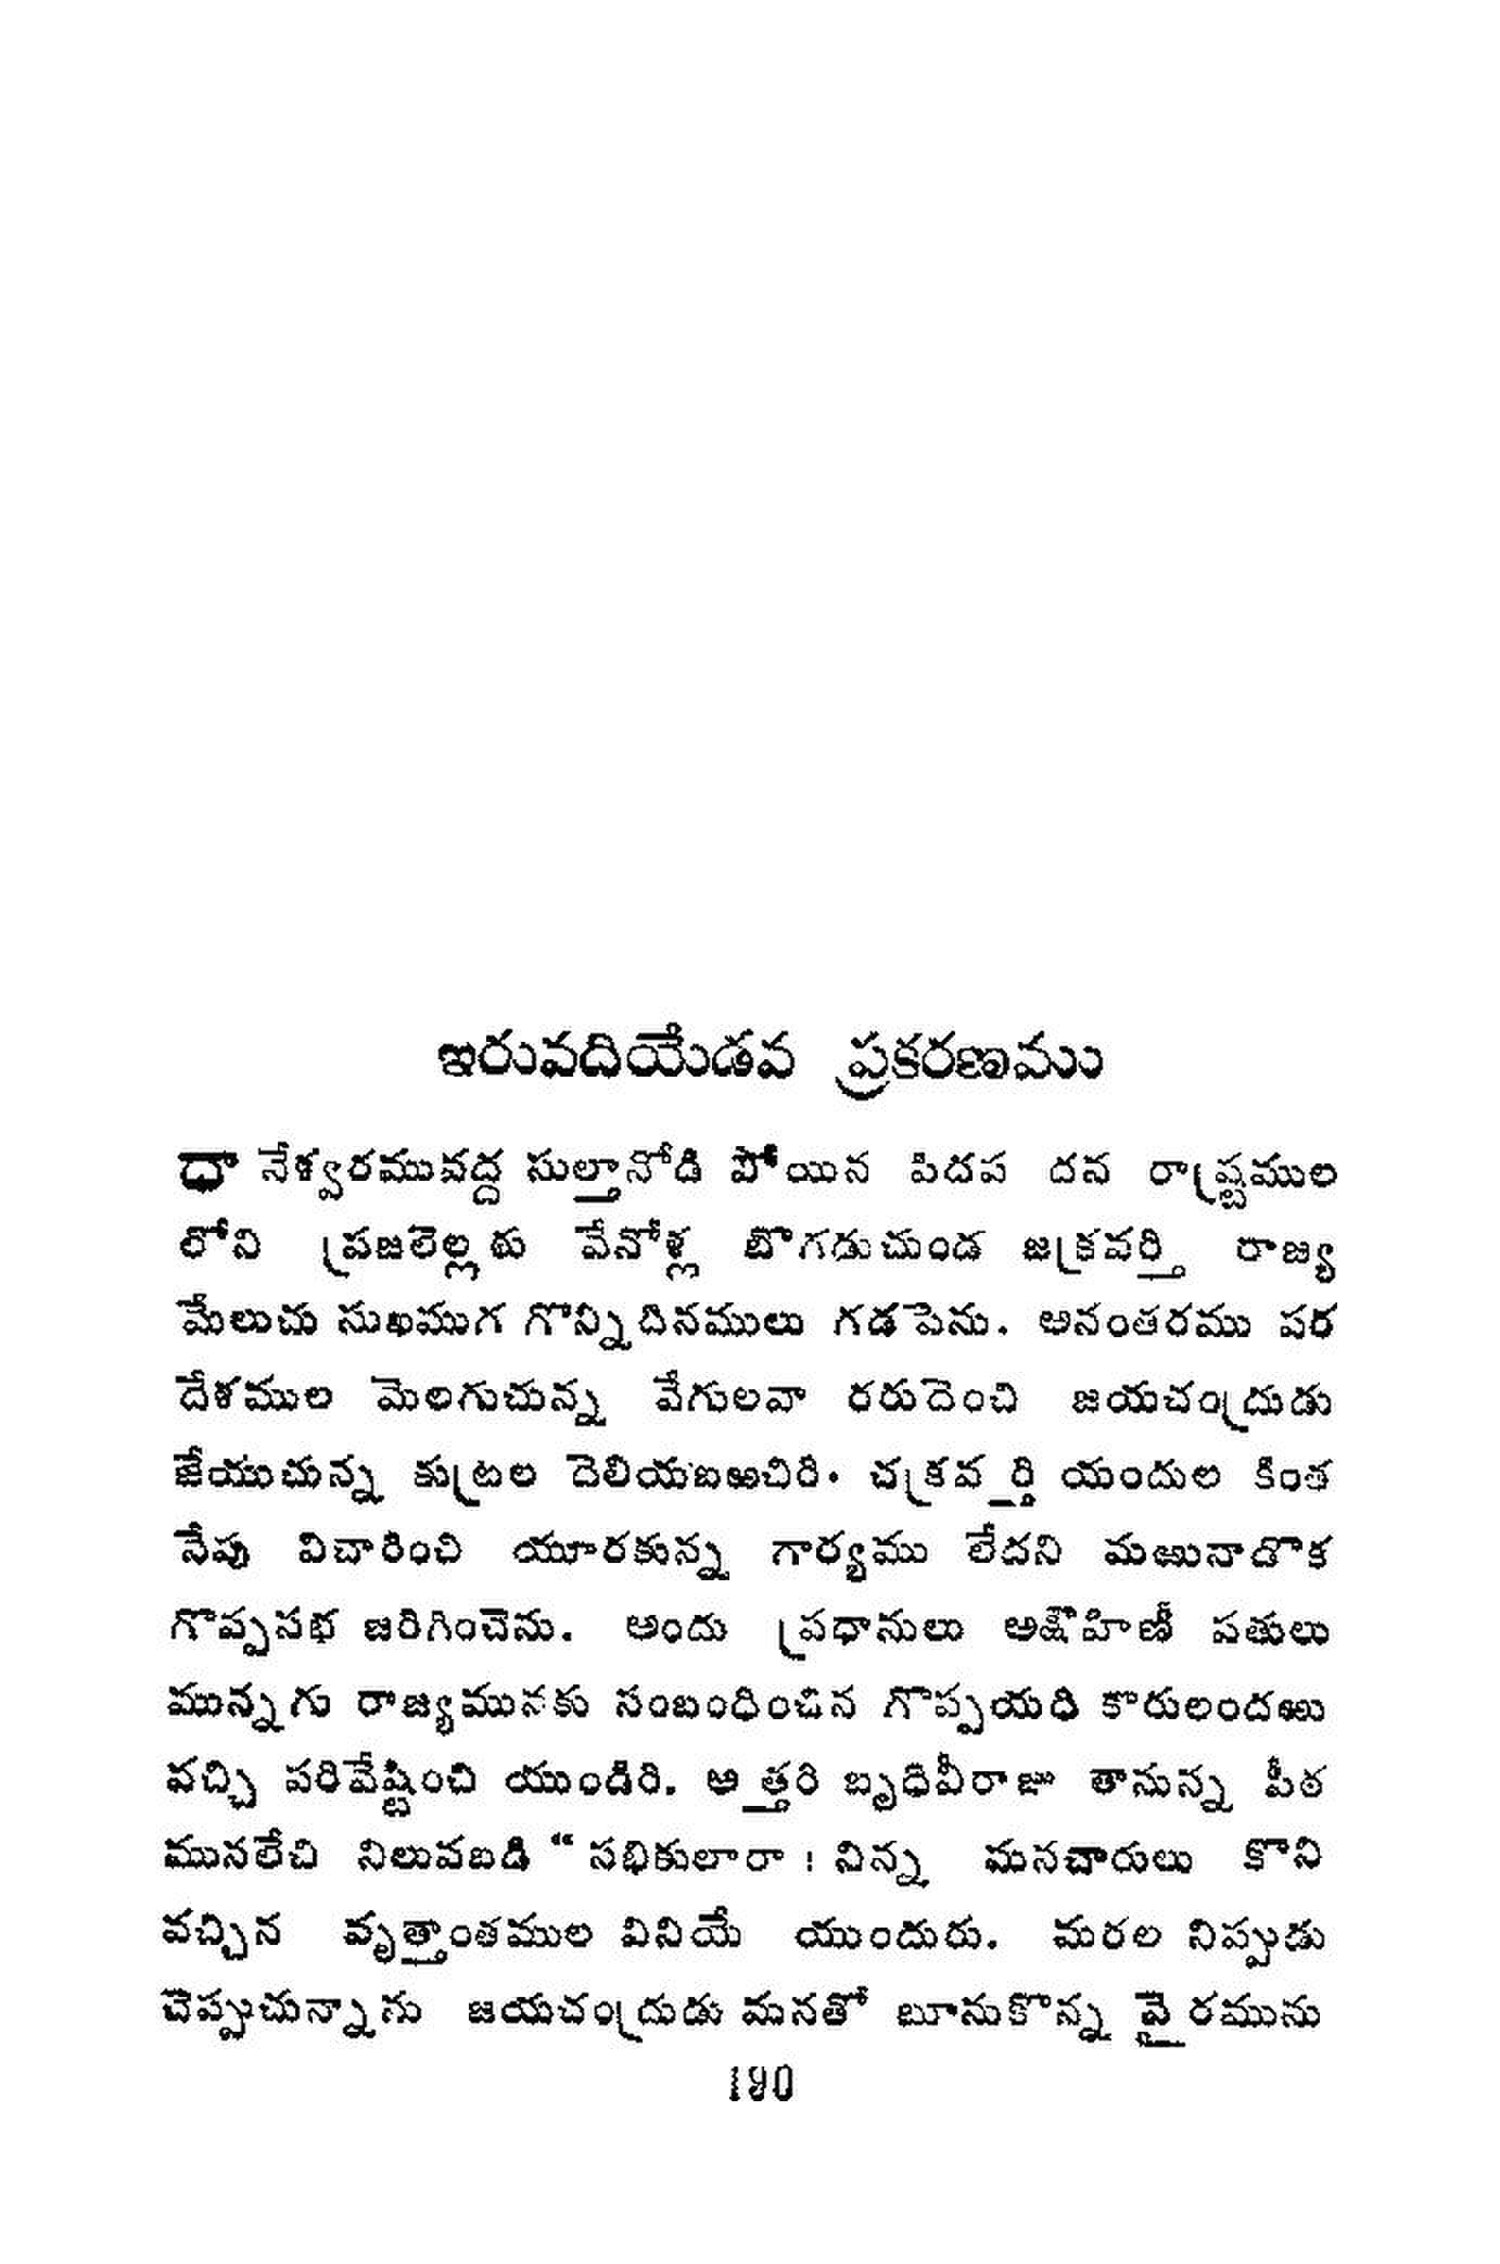ఇరువదియేడవ ప్రకరణము

దానేశ్వరమువద్ద సుల్తానోడి పోయిన పిదప దన రాష్ట్రములలోని ప్రజలెల్లరు వేనోళ్ల బొగడుచుండ జక్రవర్తి రాజ్యమేలుచు సుఖముగ గొన్ని దినములు గడపెను. అనంతరము పరదేశముల మెలగుచున్న వేగులవా రరుదెంచి జయచంద్రుడు జేయుచున్న కుట్రల దెలియబఱచిరి. చక్రవర్తి యందుల కింతసేపు విచారించి యూరకున్న గార్యము లేదని మఱునాడొక గొప్పసభ జరిగించెను. అందు ప్రధానులు అక్షౌహిణీ పతులు మున్నగు రాజ్యమునకు సంబంధించిన గొప్పయధి కారులందఱలు వచ్చి పరివేష్టించి యుండిరి. ఆత్తరి బృధివీరాజు తానున్న పీఠమునలేచి నిలువబడి “సభికులారా ! నిన్న మనచారులు కొనివచ్చిన వృత్తాంతముల వినియే యుందురు. మరల నిప్పుడు చెప్పుచున్నాను జయచంద్రుడు మనతో బూనుకొన్న వైరమును